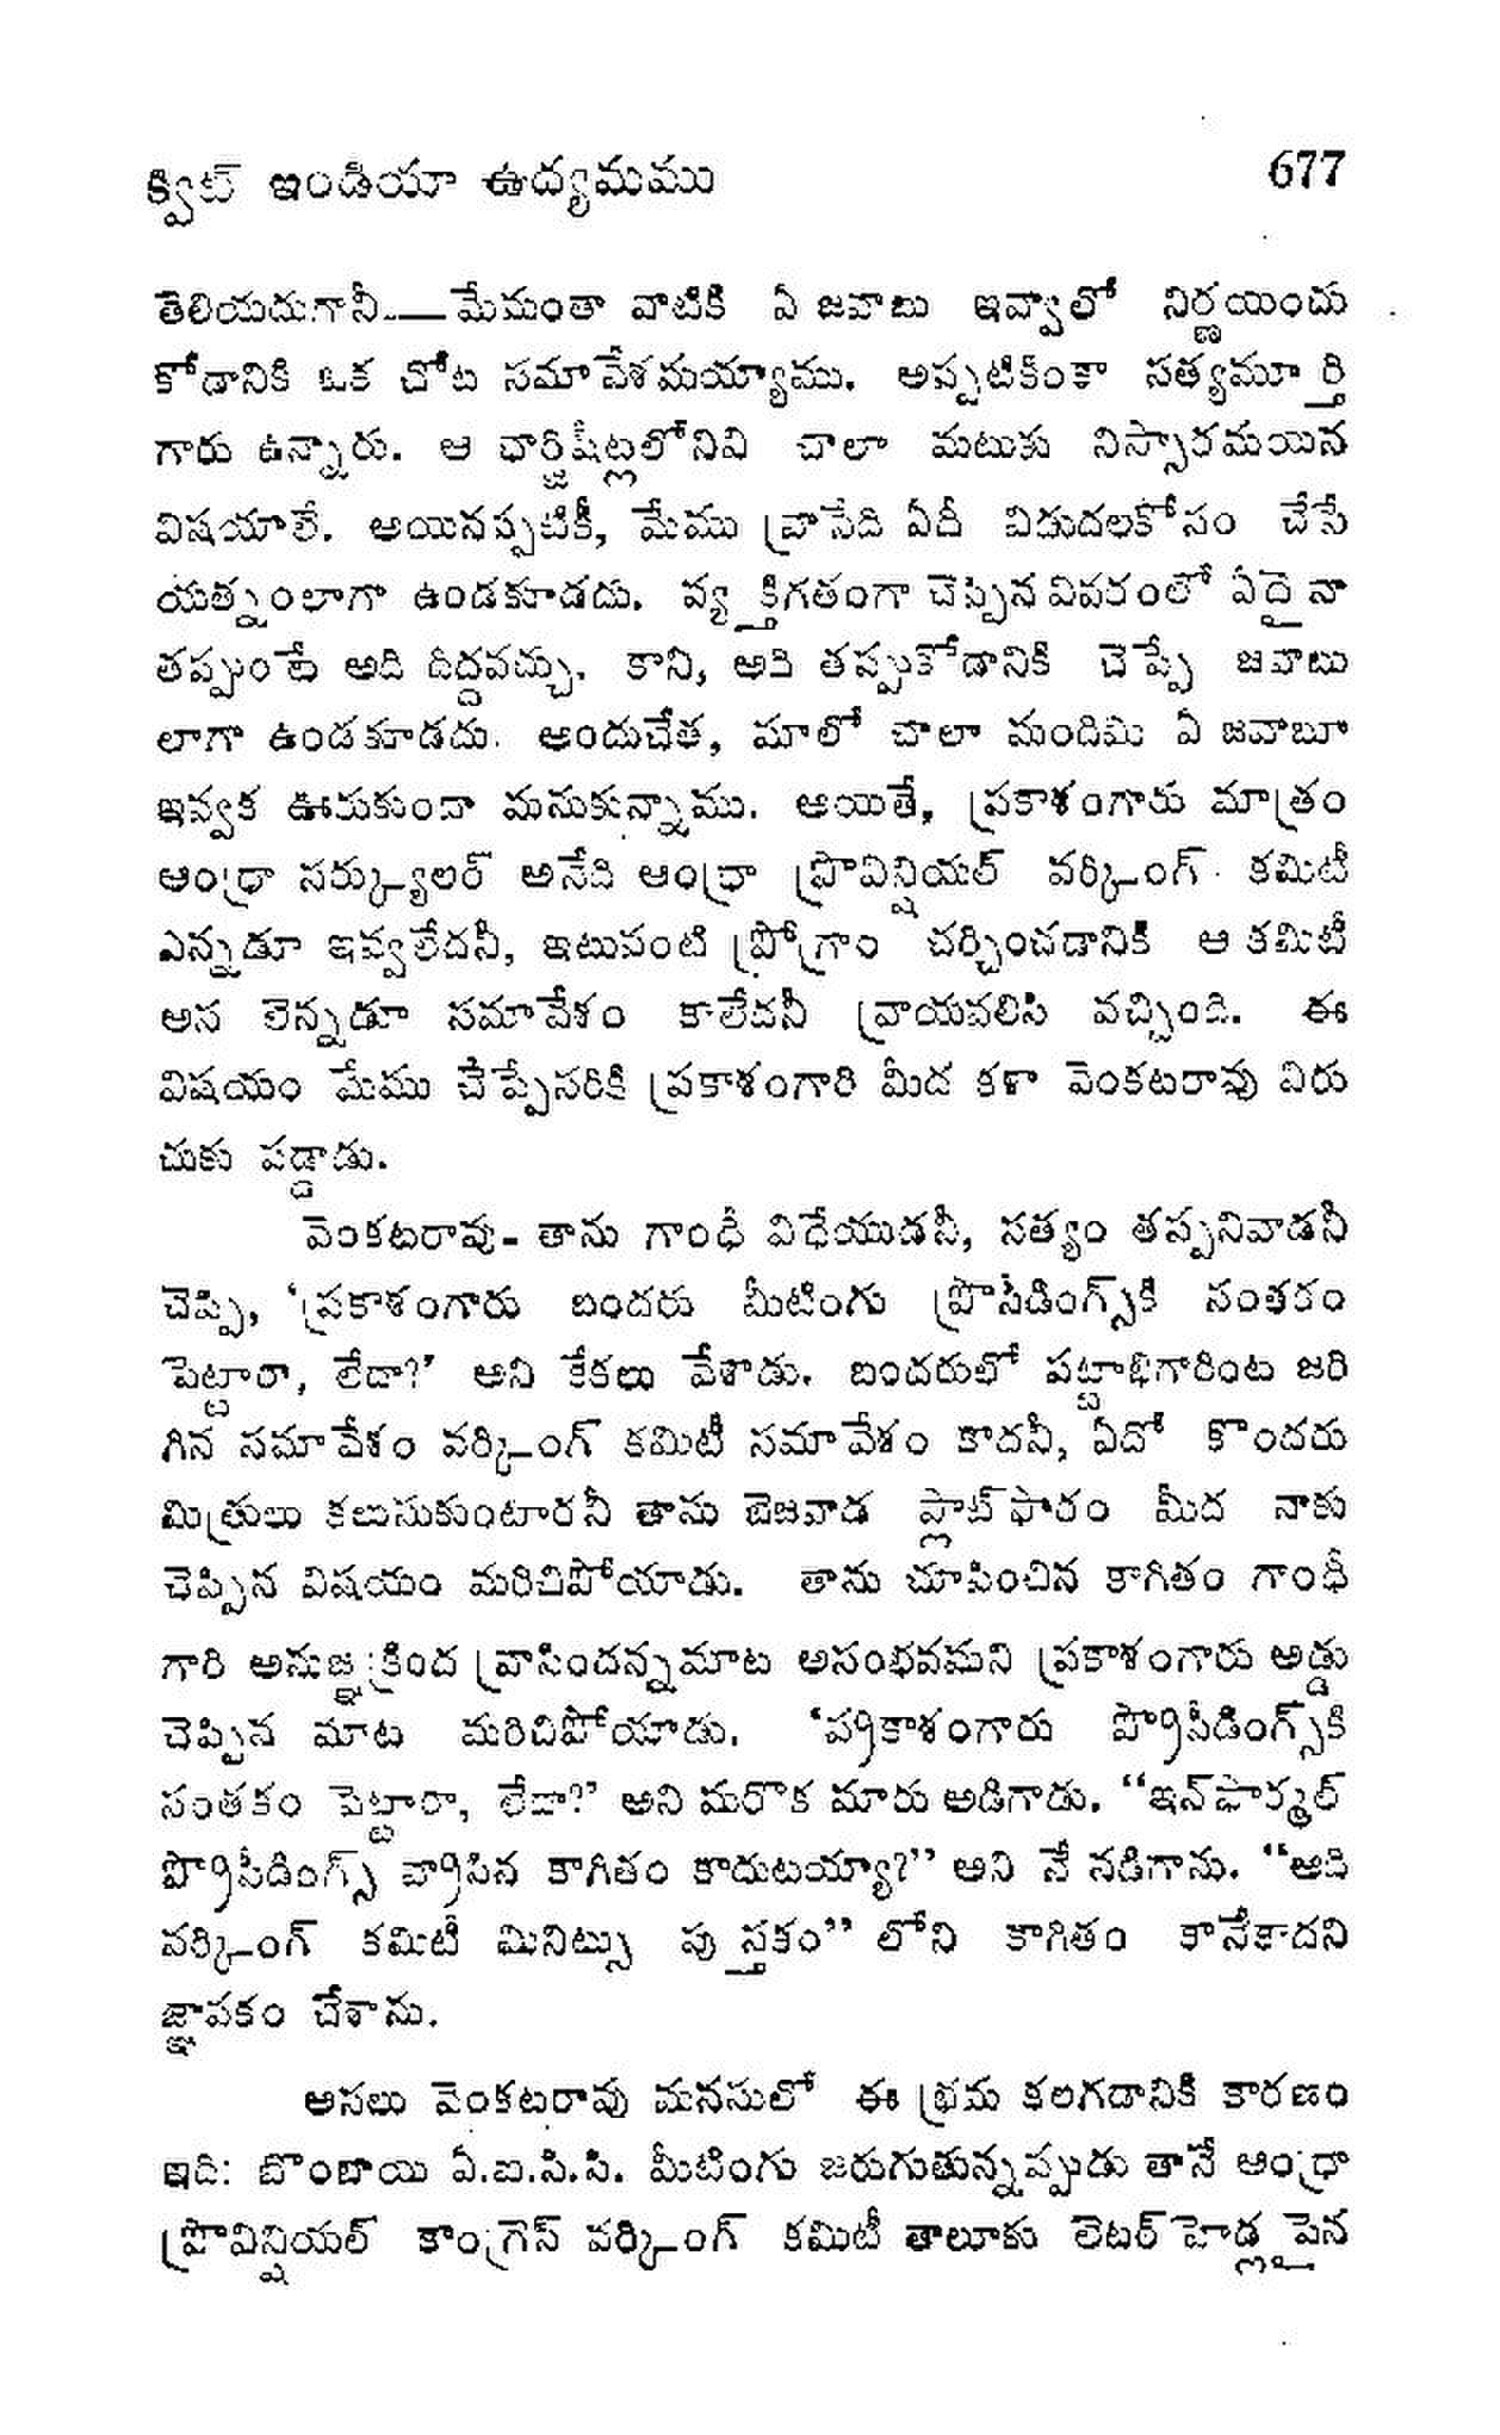తెలియదుగానీ - మేమంతా వాటికి ఏ జవాబు ఇవ్వాలో నిర్ణయించుకోడానికి ఒక చోట సమావేశమయ్యాము. అప్పటికింకా సత్యమూర్తిగారు ఉన్నారు. ఆ చార్జిషీట్లలోనివి చాలా మటుకు నిస్సారమయిన విషయాలే. అయినప్పటికీ, మేము వ్రాసేది ఏదీ విడుదలకోసం చేసే యత్నంలాగా ఉండకూడదు. వ్యక్తిగతంగా చెప్పిన వివరంలో ఏదైనా తప్పుంటే అది దిద్దవచ్చు. కాని, అది తప్పుకోడానికి చెప్పే జవాబులాగా ఉండకూడదు. అందుచేత, మాలో చాలా మందిమి ఏ జవాబూ ఇవ్వక ఊరుకుందా మనుకున్నాము. అయితే, ప్రకాశంగారు మాత్రం ఆంధ్రా సర్క్యులర్ అనేది ఆంధ్రా ప్రొవిన్షియల్ వర్కంగ్ కమిటీ ఎన్నడూ ఇవ్వలేదనీ, ఇటు వంటి ప్రోగ్రాం చర్చించడానికి ఆ కమిటీ ఆస లెన్నడూ సమావేశం కాలేదనీ వ్రాయవలిసి వచ్చింది. ఈ విషయం మేము చెప్పేసరికి ప్రకాశంగారి మీద కళా వెంకటరావు విరుచుకు పడ్డాడు.

వెంకటరావు - తాను గాంధీ విధేయుడనీ, సత్యం తప్పనివాడనీ చెప్పి, 'ప్రకాశంగారు బందరు మీటింగు ప్రొసీడింగ్స్‌కి సంతకం పెట్టారా, లేదా?' అని కేకలు వేశాడు. బందరులో పట్టాభిగారింట జరిగిన సమావేశం వర్కింగ్ కమిటీ సమావేశం కాదనీ, ఏదో కొందరు మిత్రులు కలుసుకుంటారనీ తాను బెజవాడ ప్లాట్‌ఫారం మీద నాకు చెప్పిన విషయం మరిచిపోయాడు. తాను చూపించిన కాగితం గాంధీగారి అనుజ్ఞక్రింద వ్రాసిందన్నమాట అసంభవమని ప్రకాశంగారు అడ్డు చెప్పిన మాట మరచిపోయాడు. 'ప్రకాశంగారు ప్రొసీడింగ్స్‌కి సంతకం పెట్టారా, లేదా?' అని మరొక మారు అడిగాడు. "ఇన్‌ఫార్మల్ ప్రొసీడింగ్స్ వ్రాసిన కాగితం కాదుటయ్యా?" అని నే నడిగాను. "అది వర్కింగ్ కమిటీ మినిట్సు పుస్తకం" లోని కాగితం కానేకాదని జ్ఞాపకం చేశాను.

అసలు వెంకటరావు మనసులో ఈ భ్రమ కలగడానికి కారణం ఇది: బొంబాయి ఏ.ఐ.సి.సి. మీటింగు జరుగుతున్నప్పుడు తానే ఆంధ్రా ప్రొవిన్షియల్ కాంగ్రెస్ వర్కింగ్ కమిటీ తాలూకు లెటర్‌హెడ్లపైన